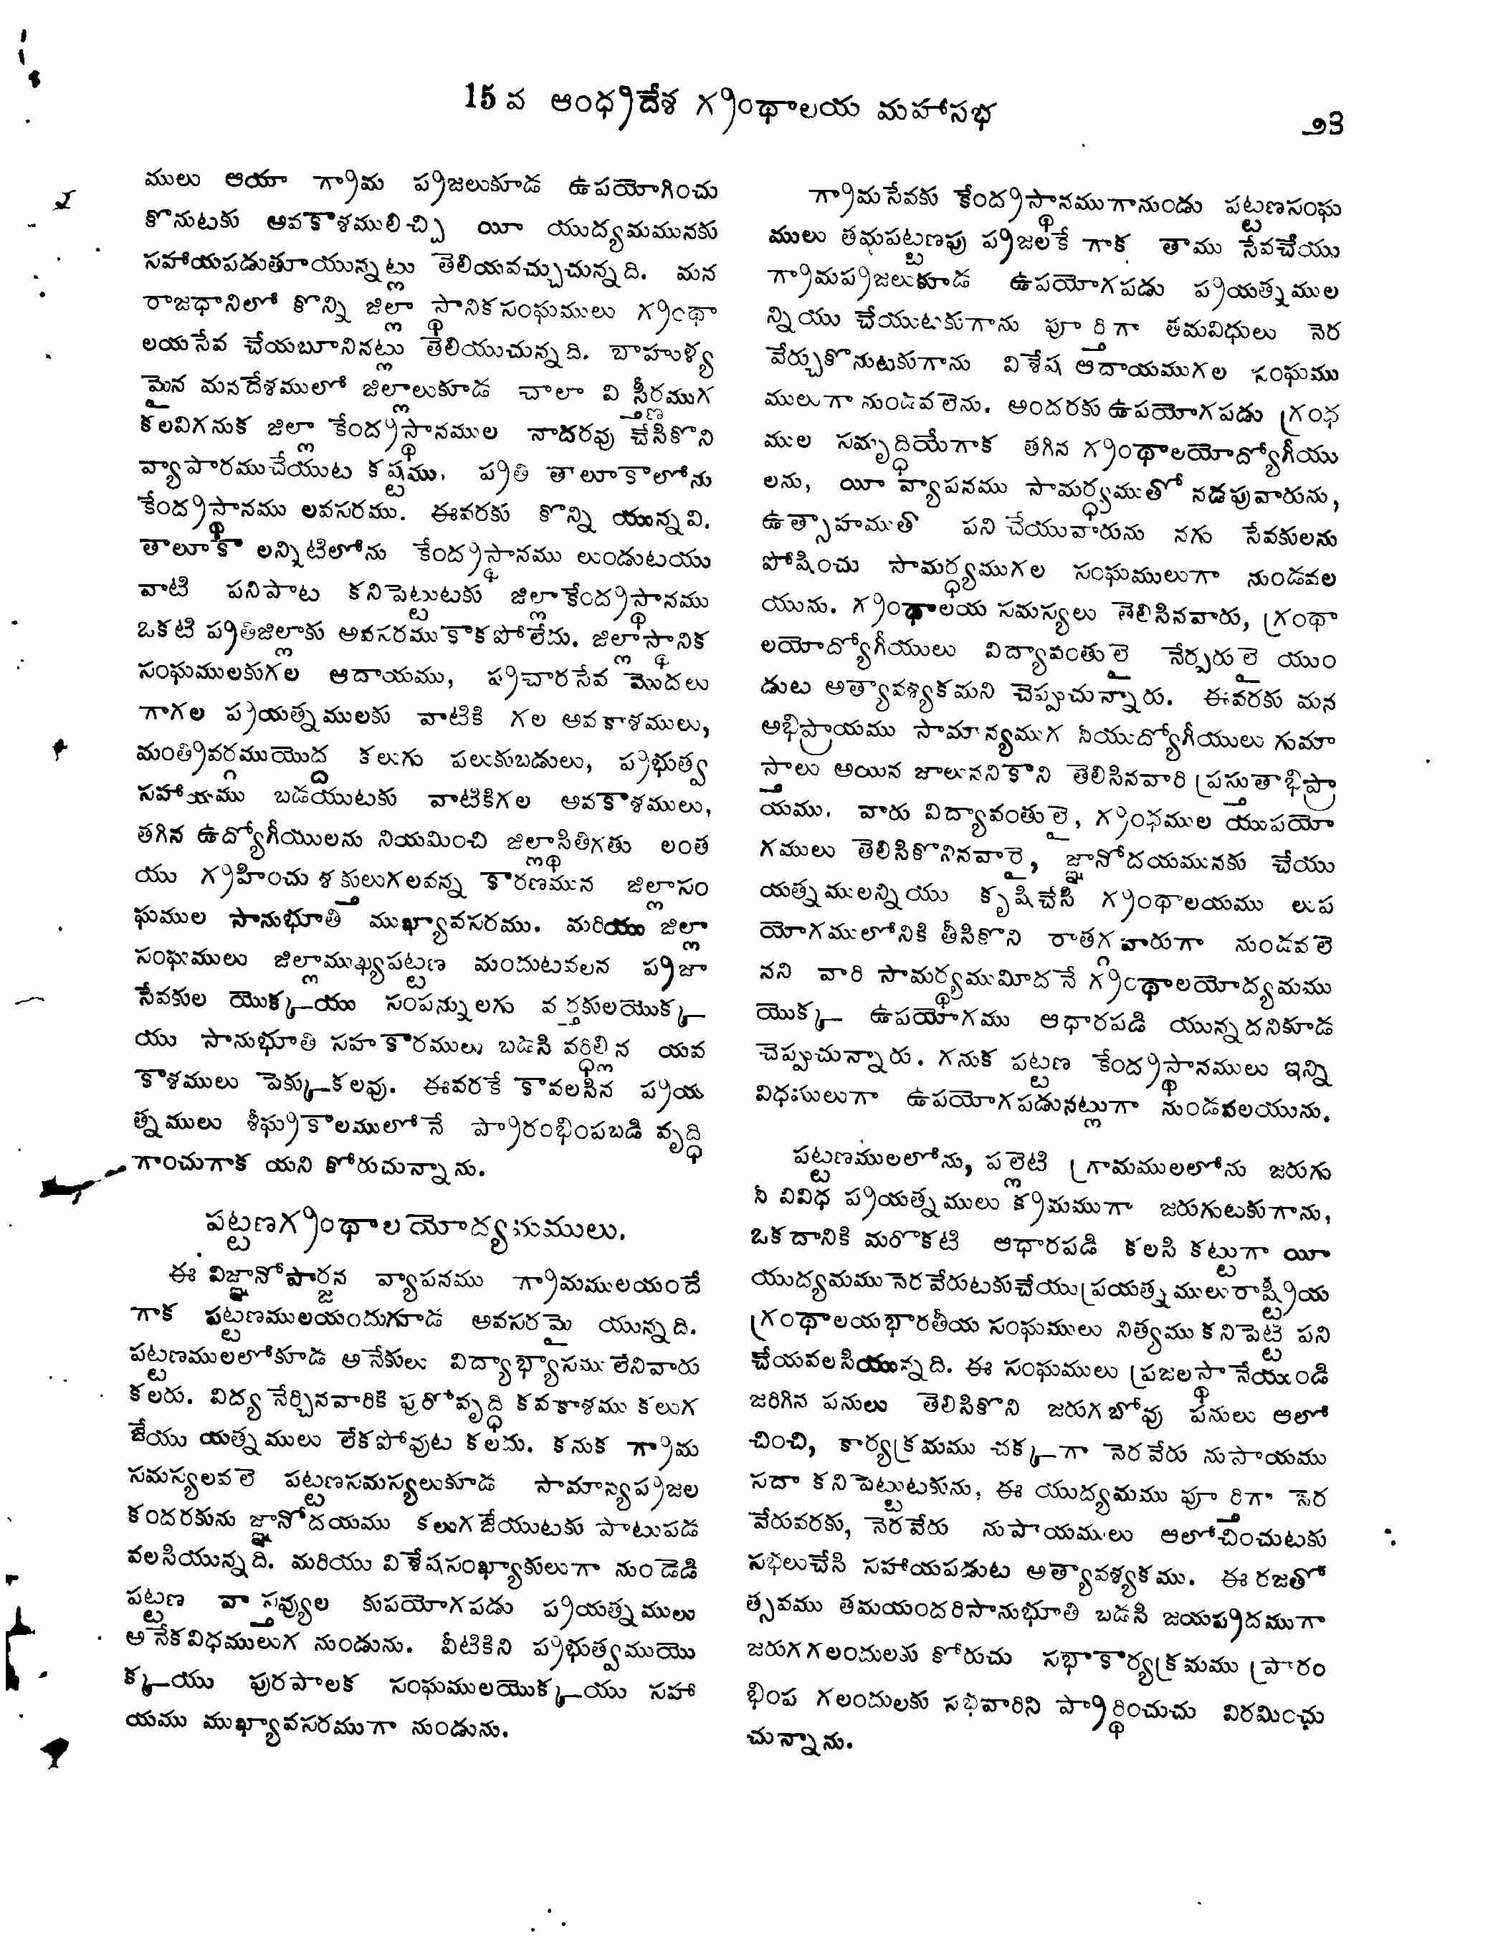ములు ఆయా గ్రామ ప్రజలుకూడ ఉపయోగించు కొనుటకు అవకాశములిచ్చి యీ యుద్యమమునకు సహాయపడుతూ యున్నట్లు తెలియవచ్చుచున్నది. మన రాజధానిలో కొన్ని జిల్లా స్థానిక సంఘములు గ్రంథాలయసేవ చేయబూనినట్లు తేలియుచున్నది. బాహుళ్య
మైన మన దేశములో జిలాలు కూడ చాలా విస్తరముగ కలవిగనుక జిల్లా కేంద్రస్థానముల నాదరపు చేసికొని వ్యాపారము చేయుట కష్టము. ప్రతి తాలూకాలోను కేంద్రస్థానము అవసరము. ఈవరకు కొన్ని యున్నవి. తాలూకా లన్నిటిలోను కేంద్రస్థానము లుండుటయు వాటి పనిపాట కనిపెట్టుటకు జిల్లా కేంద్రస్థానము ఒకటి ప్రతిజిల్లాకు అవసరము కాక పోలేదు. జిల్లా స్టానిక సంఘములకు గల ఆదాయము, ప్రచార సేవ మొదలుగాగల ప్రయత్నములకు వాటికి గల అవకాశములు, మంత్రివర్గము యొద్ద కలుగు పలుకుబడులు, ప్రభుత్వ
సహాయము బడయుటకు వాటికిగల అవకాశములు, తగిన ఉద్యోగీయులను నియమించి జిల్లా స్థితిగతు లంతయు గ్రహించు శక్తులుగలవన్న కారణమున జిల్లా సంఘముల సానుభూతి ముఖ్యావసరము. మరియు జిల్లాసంఘములు జిల్లాముఖ్యపట్టణ మందుట
వలన ప్రజాసేవకుల యొక్కయు సంపన్నులగు వర్తకుల యొక్కయు సానుభూతి సహకారములు బడిసి వర్థిల్లిన యవకాశములు పెక్కుకలవు. ఈవరకే కావలసిన ప్రయత్నములు శీఘ్రకాలములోనే ప్రారంభింపబడి వృద్ధిగాంచుగాక యని కోరుచున్నాను.

ఈ విజ్ఞానోపార్జన వ్యాపనము గ్రామములయందే గాక పట్టణములయందుగూడ అవసరమై యున్నది. పట్టణములలోకూడ అనేకులు విద్యాభ్యాసము లేని వారు కలరు. విద్య నేర్చినవారికి పురోవృద్ధి కవకాశము కలుగజేయు యత్నములు లేకపోవుట కలదు. కనుక గ్రామ
సమస్యలవలె పట్టణ సమస్యలు కూడ సామాన్య ప్రజలకందరకును ఙ్ఞానోదయము కలుగజేయుటకు పాటుపడ వలసియున్నది. మరియు విశేషసంఖ్యాకులుగా నుండెడి పట్టణ వాస్తవ్యుల కుపయోగపడు ప్రయత్నములు అనేక విధములుగ నుండును. వీటికిని ప్రభుత్వము
యొక్కయు పురపాలక సంఘములయొక్కయు సహాయము ముఖ్యావసరముగా నుండును. గ్రామసేవకు కేంద్రస్థానము గానుండు పట్టణ సంఘములు తమపట్టణపు ప్రజలకే గాక తాము సేవచేయు గ్రామప్రజలు కూడ ఉపయోగపడు ప్రయత్నములన్నియు చేయుటకుగాను పూర్తిగా తమవిధులు నెరవేర్చుకొనుటకుగాను విశేష ఆదాయముగల సంఘముములు గా నుండవలెను. అందరకు ఉపయోగపడు 
గ్రంధముల సమృద్ధియేగాక తగిన గ్రంథాలయోద్యోగీయులను, వ్యాపనము సామర్ధ్యముతో నడపువారును, ఉత్సాహముతో పని చేయువారును నగు సేవకులను పోషించు సామర్ధ్యముగల సంఘములుగా నుండవలయును. గ్రంథాలయ సమస్యలు తెలిసినవారు, గ్రంథాలయోద్యోగీయులు విద్యావంతులై నేర్పరులై యుండుట అత్యావశ్యకమని చెప్పుచున్నారు. ఈ వరకు మన అభిప్రాయము సామాన్యముగ నీయుద్యోగీయులు గుమాసాలు అయిన జాలునని కాని తెలిసినవారి ప్రస్తుతాభిప్రాయము. వారు విద్యావంతులై, గ్రంధముల యుపయోగములు తెలిసికొనినవారై, జ్ఞానోదయమునకు చేయుయత్నములన్నియు కృషిచేసి గ్రంథాలయము లుపయోగములోనికి తీసికొని రాతగ్గవారుగా నుండవలెనని వారి సామర్థ్యము విూదనే గ్రంథాలయోద్యమము యొక్క ఉపయోగము ఆధారపడి యున్నదనికూడ
చెప్పుచున్నారు. గనుక పట్టణ కేంద్రస్థానములు ఇన్ని విధములుగా ఉపయోగపడునట్లుగా నుండవలయును.

పట్టణములలోను, పల్లె గ్రామములలోను జరుగునీ వివిధ ప్రయత్నములు క్రమముగా జరుగుటకు గాను, ఒక దానికి మరొకటి ఆధారపడి కలసి కట్టుగా యుద్యమము నెరవేరుటకు చేయు ప్రయత్నములు రాష్ట్రీయగ్రంథాలయ భారతీయ సంఘములు నిత్యము కనిపెట్టి పని
చేయవలసియున్నది. ఈ సంఘములు ప్రజల స్టానేయఁండి జరిగిన పనులు తెలిసికొని జరుగబోవు పనులు ఆలోచించి, కార్యక్రమము చక్కగా నెరవేరు నుసాయముసదా కని పెట్టుటకును, ఈ యుద్యమము పూర్తిగా నెరవేరువరకు, నెరవేరు నుపాయములు ఆలోచించుటకు
సభలుచేసి సహాయపడుట అత్యావశ్యకము. ఈ రజతోత్సవము తమయందరిసానుభూతి బడసి జయప్రదముగా జరుగ గలందులకు కోరుచు సభాకార్యక్రమము ప్రారంభింప గలందులకు సభవారిని ప్రార్థించుచు విరమింఛు చున్నాను.